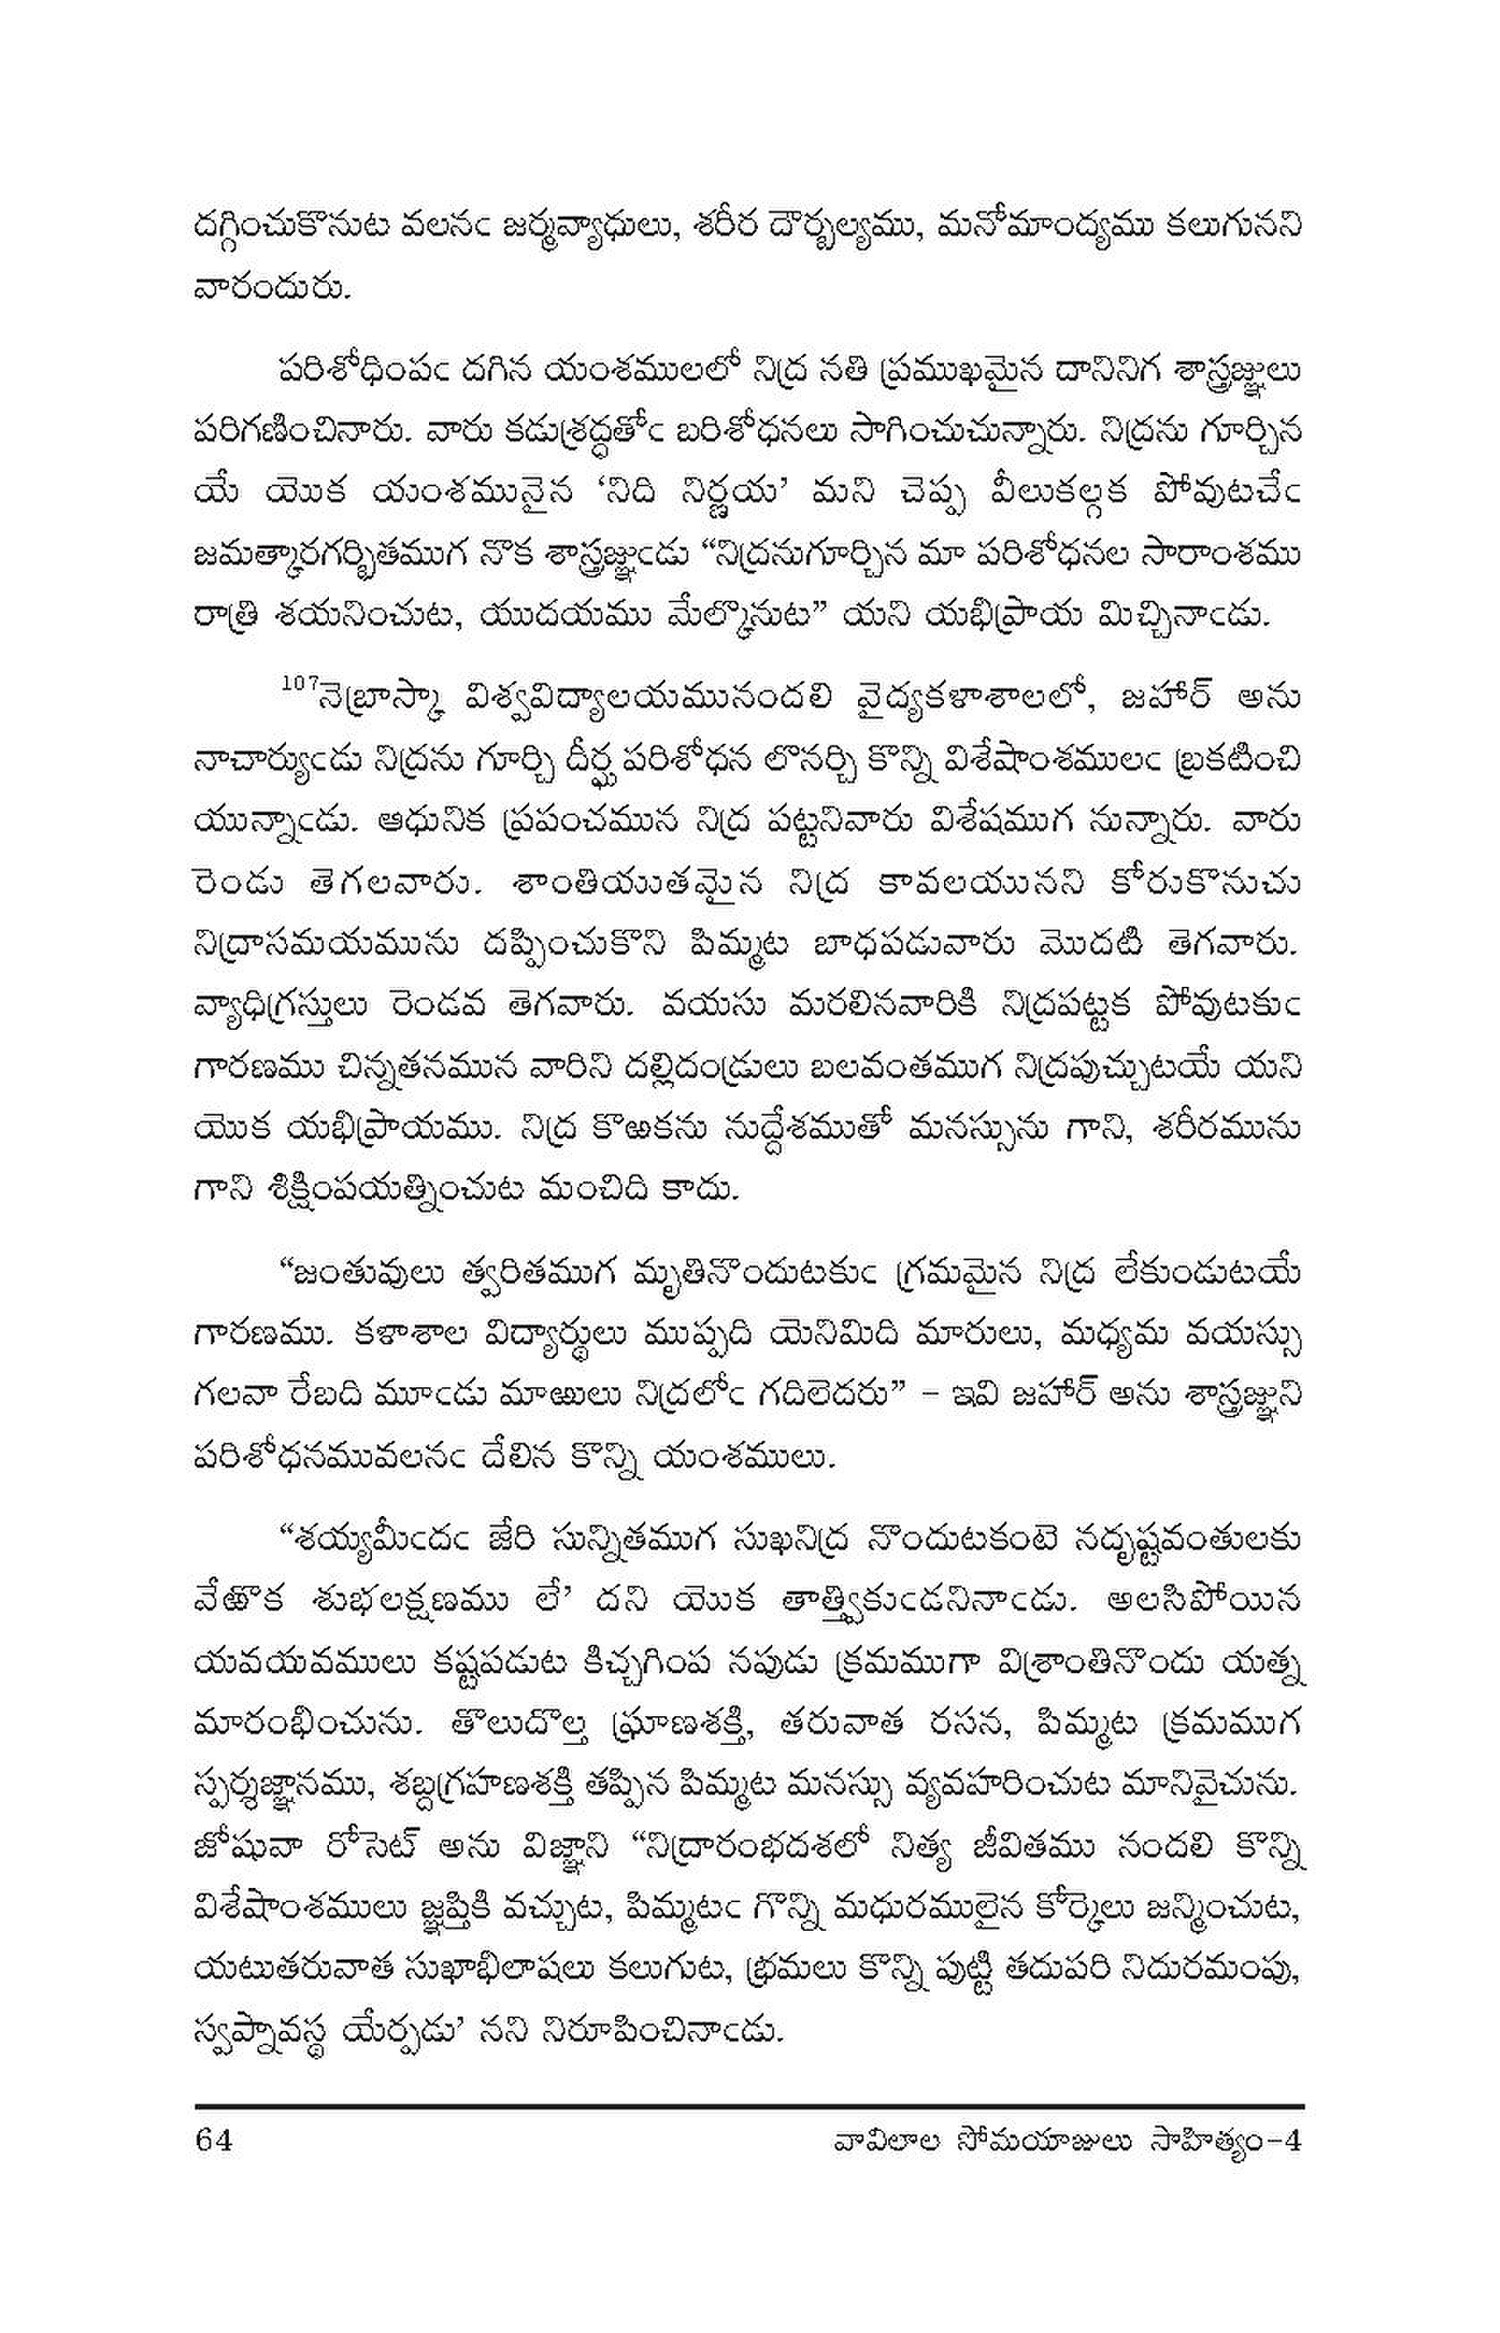దగ్గించుకొనుట వలనఁ జర్మవ్యాధులు, శరీర దౌర్బల్యము, మనోమాంద్యము కలుగునని
వారందురు.

పరిశోధింపఁ దగిన యంశములలో నిద్ర నతి ప్రముఖమైన దానినిగ శాస్త్రజ్ఞులు
పరిగణించినారు. వారు కడుశ్రద్ధతోఁ బరిశోధనలు సాగించుచున్నారు. నిద్రను గూర్చిన
యే యొక యంశమునైన 'నిది నిర్ణయ' మని చెప్ప వీలుకల్గక పోవుటచేఁ
జమత్కారగర్భితముగ నొక శాస్త్రజ్ఞుఁడు "నిద్రనుగూర్చిన మా పరిశోధనల సారాంశము
రాత్రి శయనించుట, యుదయము మేల్కొనుట" యని యభిప్రాయ మిచ్చినాఁడు.

నెబ్రాస్కా విశ్వవిద్యాలయమునందలి వైద్యకళాశాలలో, జహార్ అను
నాచార్యుఁడు నిద్రను గూర్చి దీర్ఘ పరిశోధన లొనర్చి కొన్ని విశేషాంశములఁ బ్రకటించి
యున్నాఁడు. ఆధునిక ప్రపంచమున నిద్ర పట్టనివారు విశేషముగ నున్నారు. వారు
రెండు తెగలవారు. శాంతియుతమైన నిద్ర కావలయునని కోరుకొనుచు
నిద్రాసమయమును దప్పించుకొని పిమ్మట బాధపడువారు మొదటి తెగవారు.
వ్యాధిగ్రస్తులు రెండవ తెగవారు. వయసు మరలినవారికి నిద్రపట్టక పోవుటకుఁ
గారణము చిన్నతనమున వారిని తల్లిదండ్రులు బలవంతముగ నిద్రపుచ్చుటయే యని
యొక యభిప్రాయము. నిద్ర కొఱకను నుద్దేశముతో మనస్సును గాని, శరీరమును
గాని శిక్షింపయత్నించుట మంచిది కాదు.

"జంతువులు త్వరితముగ మృతినొందుటకుఁ గ్రమమైన నిద్ర లేకుండుటయే
గారణము. కళాశాల విద్యార్థులు ముప్పది యెనిమిది మారులు, మధ్యమ వయస్సు
గలవా రేబది మూఁడు మాఱులు నిద్రలోఁ గదిలెదరు" - ఇవి జహార్ అను శాస్త్రజ్ఞుని
పరిశోధనమువలనఁ దేలిన కొన్ని యంశములు.

"శయ్యమీఁదఁ జేరి సున్నితముగ సుఖనిద్ర నొందుటకంటె నదృష్టవంతులకు
వేడొక శుభలక్షణము లే' దాని యొక తాత్వికుఁడనినాఁడు. అలసిపోయిన
యవయవములు కష్టపడుట కిచ్చగింప నపుడు క్రమముగా విశ్రాంతినొందు యత్న
మారంభించును. తొలుదొల్త ఘ్రాణశక్తి, తరువాత రసన, పిమ్మట క్రమముగ
స్పర్శజ్ఞానము, శబ్దగ్రహణశక్తి తప్పిన పిమ్మట మనస్సు వ్యవహరించుట మానివైచును.
జోషువా రోసెట్ అను విజ్ఞాని "నిద్రారంభదశలో నిత్య జీవితము నందలి కొన్ని
విశేషాంశములు జ్ఞప్తికి వచ్చుట, పిమ్మటఁ గొన్ని మధురములైన కోర్కెలు జన్మించుట,
యటుతరువాత సుఖాభిలాషలు కలుగుట, భ్రమలు కొన్ని పుట్టి తదుపరి నిదురమంపు,
స్వప్నావస్థ యేర్పడు' నని నిరూపించినాఁడు.